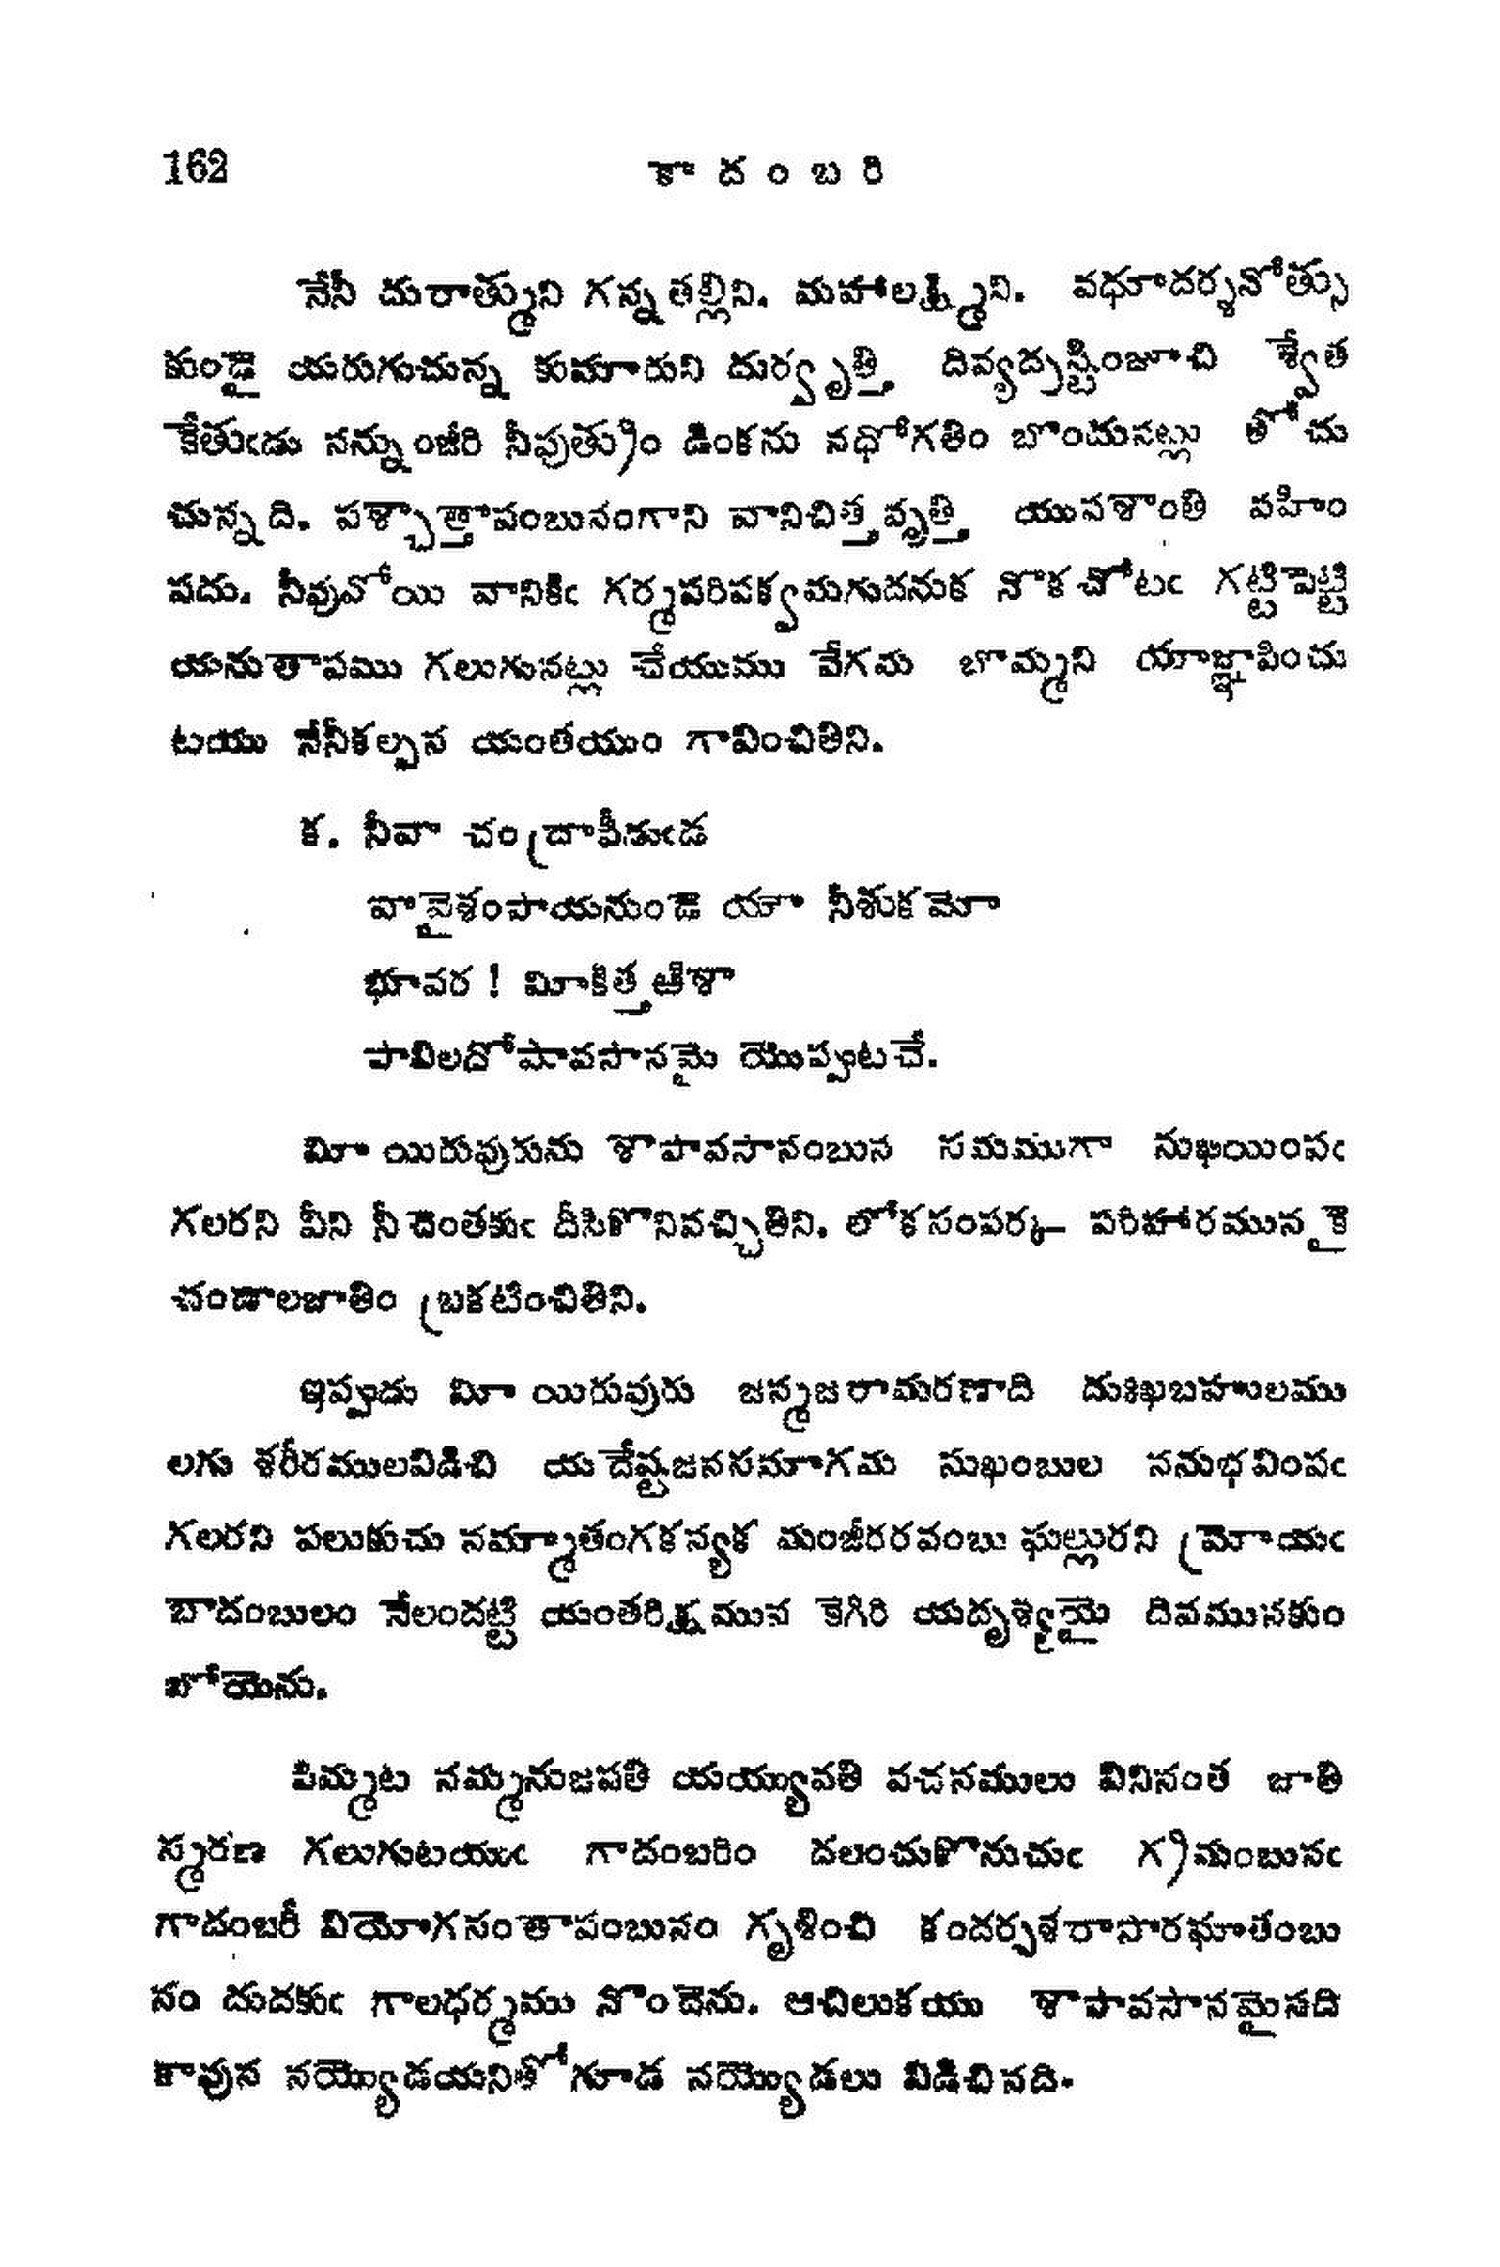నేనీ దురాత్ముని గన్నతల్లిని. మహాలక్ష్మిని. వధూదర్శనోత్సుకుండై యరుగుచున్న కుమారుని దుర్వృత్తి దివ్యదృష్టింజూచి శ్వేతకేతుఁడు నన్నుంజీరి నీపుత్రుం డింకను నధోగతిం బొందునట్లు తోచుచున్నది. పశ్చాత్తాపంబునంగాని వానిచిత్తవృత్తి యుపశాంతి వహింపదు. నీవువోయి వానికిఁ గర్మపరిపక్వమగుదనుక నొకచోటఁ గట్టిపెట్టి యనుతాపము గలుగునట్లు చేయుము వేగమ బొమ్మని యాజ్ఞాపించుటయు నేనీకల్పన యంతయుం గావించితిని.

క. నీవా చంద్రాపీడుఁడ
 వావైశంపాయనుండె యౌ నీశుకమో
 భూవర! మీకిత్తఱిశా
 పావిలదోషావసానమై యొప్పుటచే.
మీ యిరువురును శాపావసానంబున సమముగా సుఖియింపఁ గలరని వీని నీచెంతకుఁ దీసికొనివచ్చితిని. లోకసంపర్క పరిహారమునకై చండాలజాతిం బ్రకటించితిని.

ఇప్పుడు మీ యిరువురు జన్మజరామరణాది దుఃఖబహులములగు శరీరములవిడిచి యదేష్టజనసమాగము సుఖంబుల ననుభవింపఁ గలరని పలుకుచు నమ్మాతంగకన్యక మంజీరరవంబు ఘల్లురని మ్రోయఁ బాదంబులం నేలందట్టి యంతరిక్షమున కెగిరి యదృశ్యయై దివమునకుం బోయెను.

పిమ్మట నమ్మనుజపతి యయ్యువతి వచనములు వినినంత జాతి స్మరణ గలుగుటయుఁ గాదంబరిం దలంచుకొనుచుఁ గ్రమంబునఁ గాదంబరీ వియోగసంతాపంబునం గృశించి కందర్పశరాసారఘాతంబునం దుదకుఁ గాలధర్మము నొందెను. ఆచిలుకయు శాపావసానమైనది కావున నయ్యొడయనితోగూడ నయ్యొడలు విడిచినది.